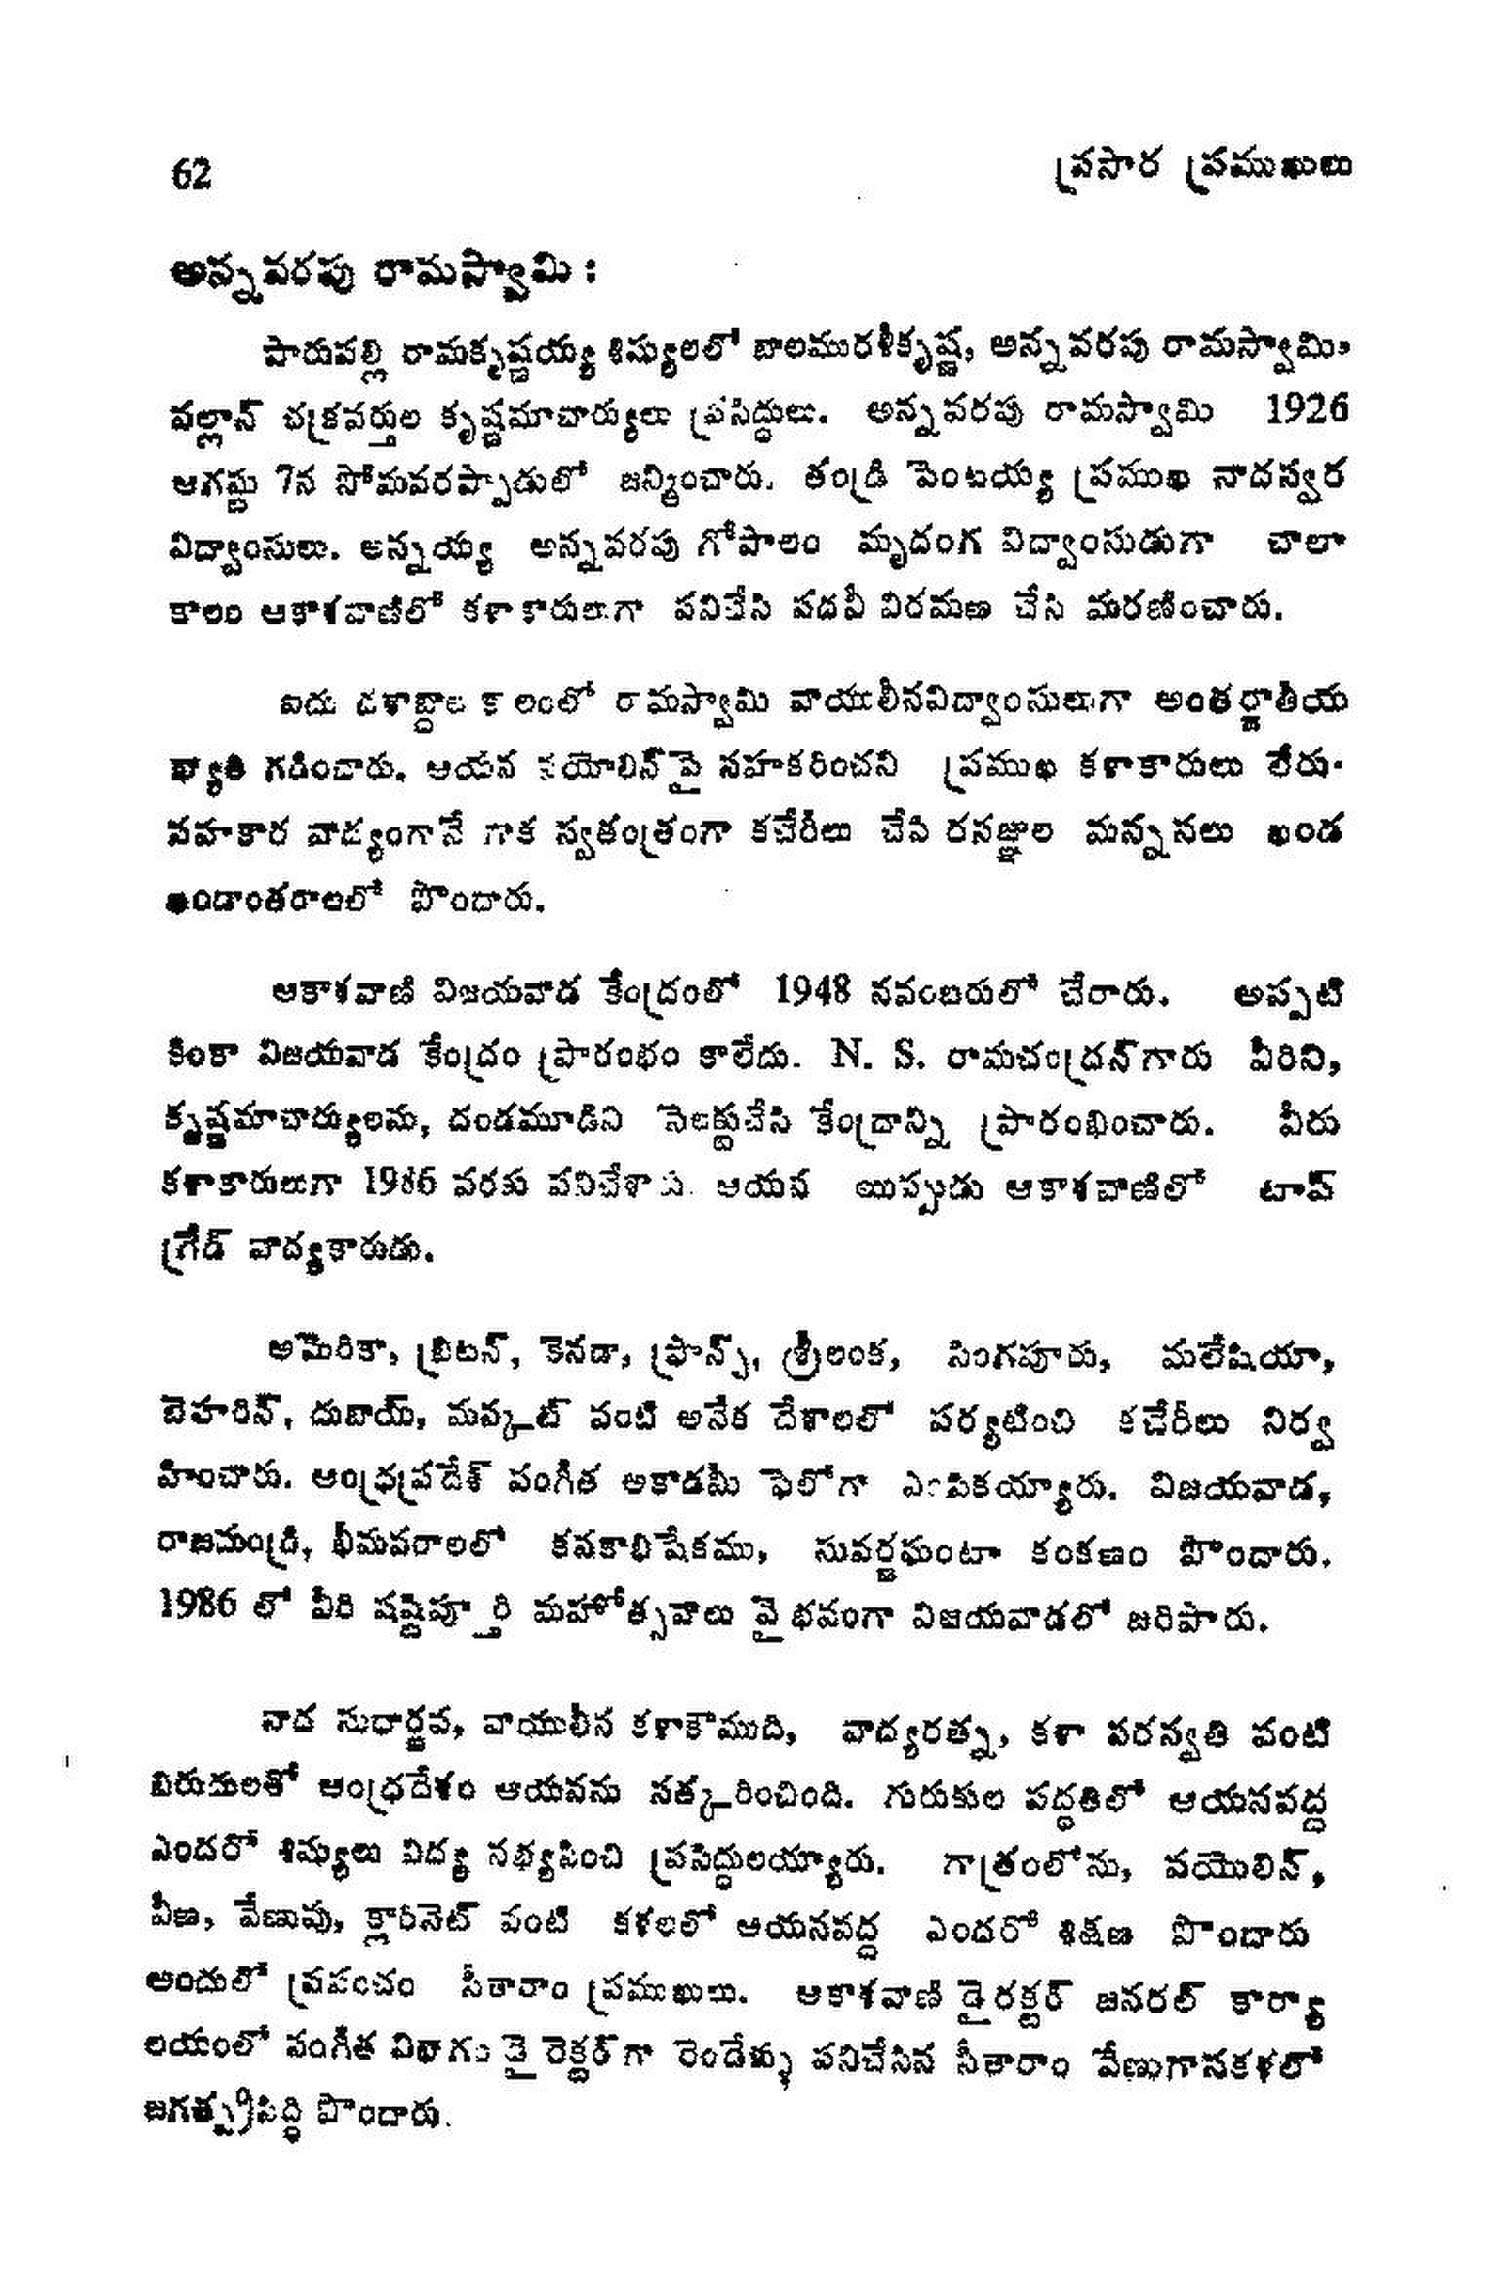పారుపల్లి రామకృష్ణయ్య శిష్యులలో బాలమురళీకృష్ణ, అన్నవరపు రామస్వామి, నల్లాన్ చక్రవర్తుల కృష్ణమాచార్యులు ప్రసిద్ధులు. అన్నవరపు రామస్వామి 1926 ఆగష్టు 7న సోమవరప్పాడులో జన్మించారు. తండ్రి పెంటయ్య ప్రముఖ నాదస్వర విద్వాంసులు. అన్నయ్య అన్నవరపు గోపాలం మృదంగ విద్వాంసుడుగా చాలా కాలం ఆకాశవాణిలో కళాకారులుగా పనిచేసి పదవీ విరమణ చేసి మరణించారు.

ఐదు దశాబ్దాల కాలంలో రామస్వామి వాయులీన విద్వాంసులుగా అంతర్జాతీయ ఖ్యాతి గడించారు. ఆయన వయోలిన్ పై సహకరించని ప్రముఖ కళాకారులు లేరు. సహకార వాద్యంగానే గాక స్వతంత్రంగా కచేరీలు చేసి రసజ్ఞఉల మన్ననలు ఖండ ఖండాంతరాలలో పొందారు.

ఆకాశవాణి విజయవాడ కేంద్రంలో 1948 నవంబరులో చేరారు. అప్పటి కింకా విజయవాడ కేంద్రం ప్రారంభం కాలేదు. N. S. రామచంద్రన్ గారు వీరిని, కృష్ణమాచార్యులను, దండమూడిని సెలక్టు చేసి కేంద్రాన్ని ప్రారంభించారు. వీరు కళాకారులుగా 1986 వరకు పనిచేశారు. ఆయన యిప్పుడు ఆకాశవాణిలో టాప్ గ్రేడ్ వాద్యకారుడు.

అమెరికా, బ్రిటన్, కెనడా, ఫ్రాన్స్, శ్రీలంక, సింగపూరు, మలేషియా, బెహరిన్, దుబాయ్, మస్కట్ వంటి అనేక దేశాలలో పర్యటించి కచేరీలు నిర్వహించారు. ఆంధ్రప్రదేశ్ సంగీత అకాడమీ ఫెలోగా ఎంపికయ్యారు. విజయవాడ, రాజమండ్రి, భీమవరాలలో కనకాభిషేకము, సువర్ణఘంటా కంకణం పొందారు. 1986 లో వీరి షష్టిపూర్తి మహోత్సవాలు వైభవంగా విజయవాడలో జరిపారు.

నాద సుధార్ణవ, వాయులీన కళాకౌముది, వాద్యరత్న, కళా సరస్వతి వంటి బిరుదులతో ఆంధ్రదేశం ఆయనను సత్కరించింది. గురుకుల పద్ధతిలో ఆయన వద్ద ఎందరో శిష్యులు విద్య నభ్యసించి ప్రసిద్ధులయ్యారు. గాత్రంలోను, వయొలిన్, వీణ, వేణువు, క్లారినెట్ వంటి కళలలో ఆయన వద్ద ఎందరో శిక్షణ పొందారు. అందులో ప్రపంచం సీతారాం ప్రముఖులు. ఆకాశవాణి డైరక్టర్ జనరల్ కార్యాలయంలో సంగిత విభాగం డైరెక్టర్ గా రెండేళ్లు పనిచేసిన సీతారాం వేణుగాన కళలో జగత్ప్రసిద్ధి పొందారు.